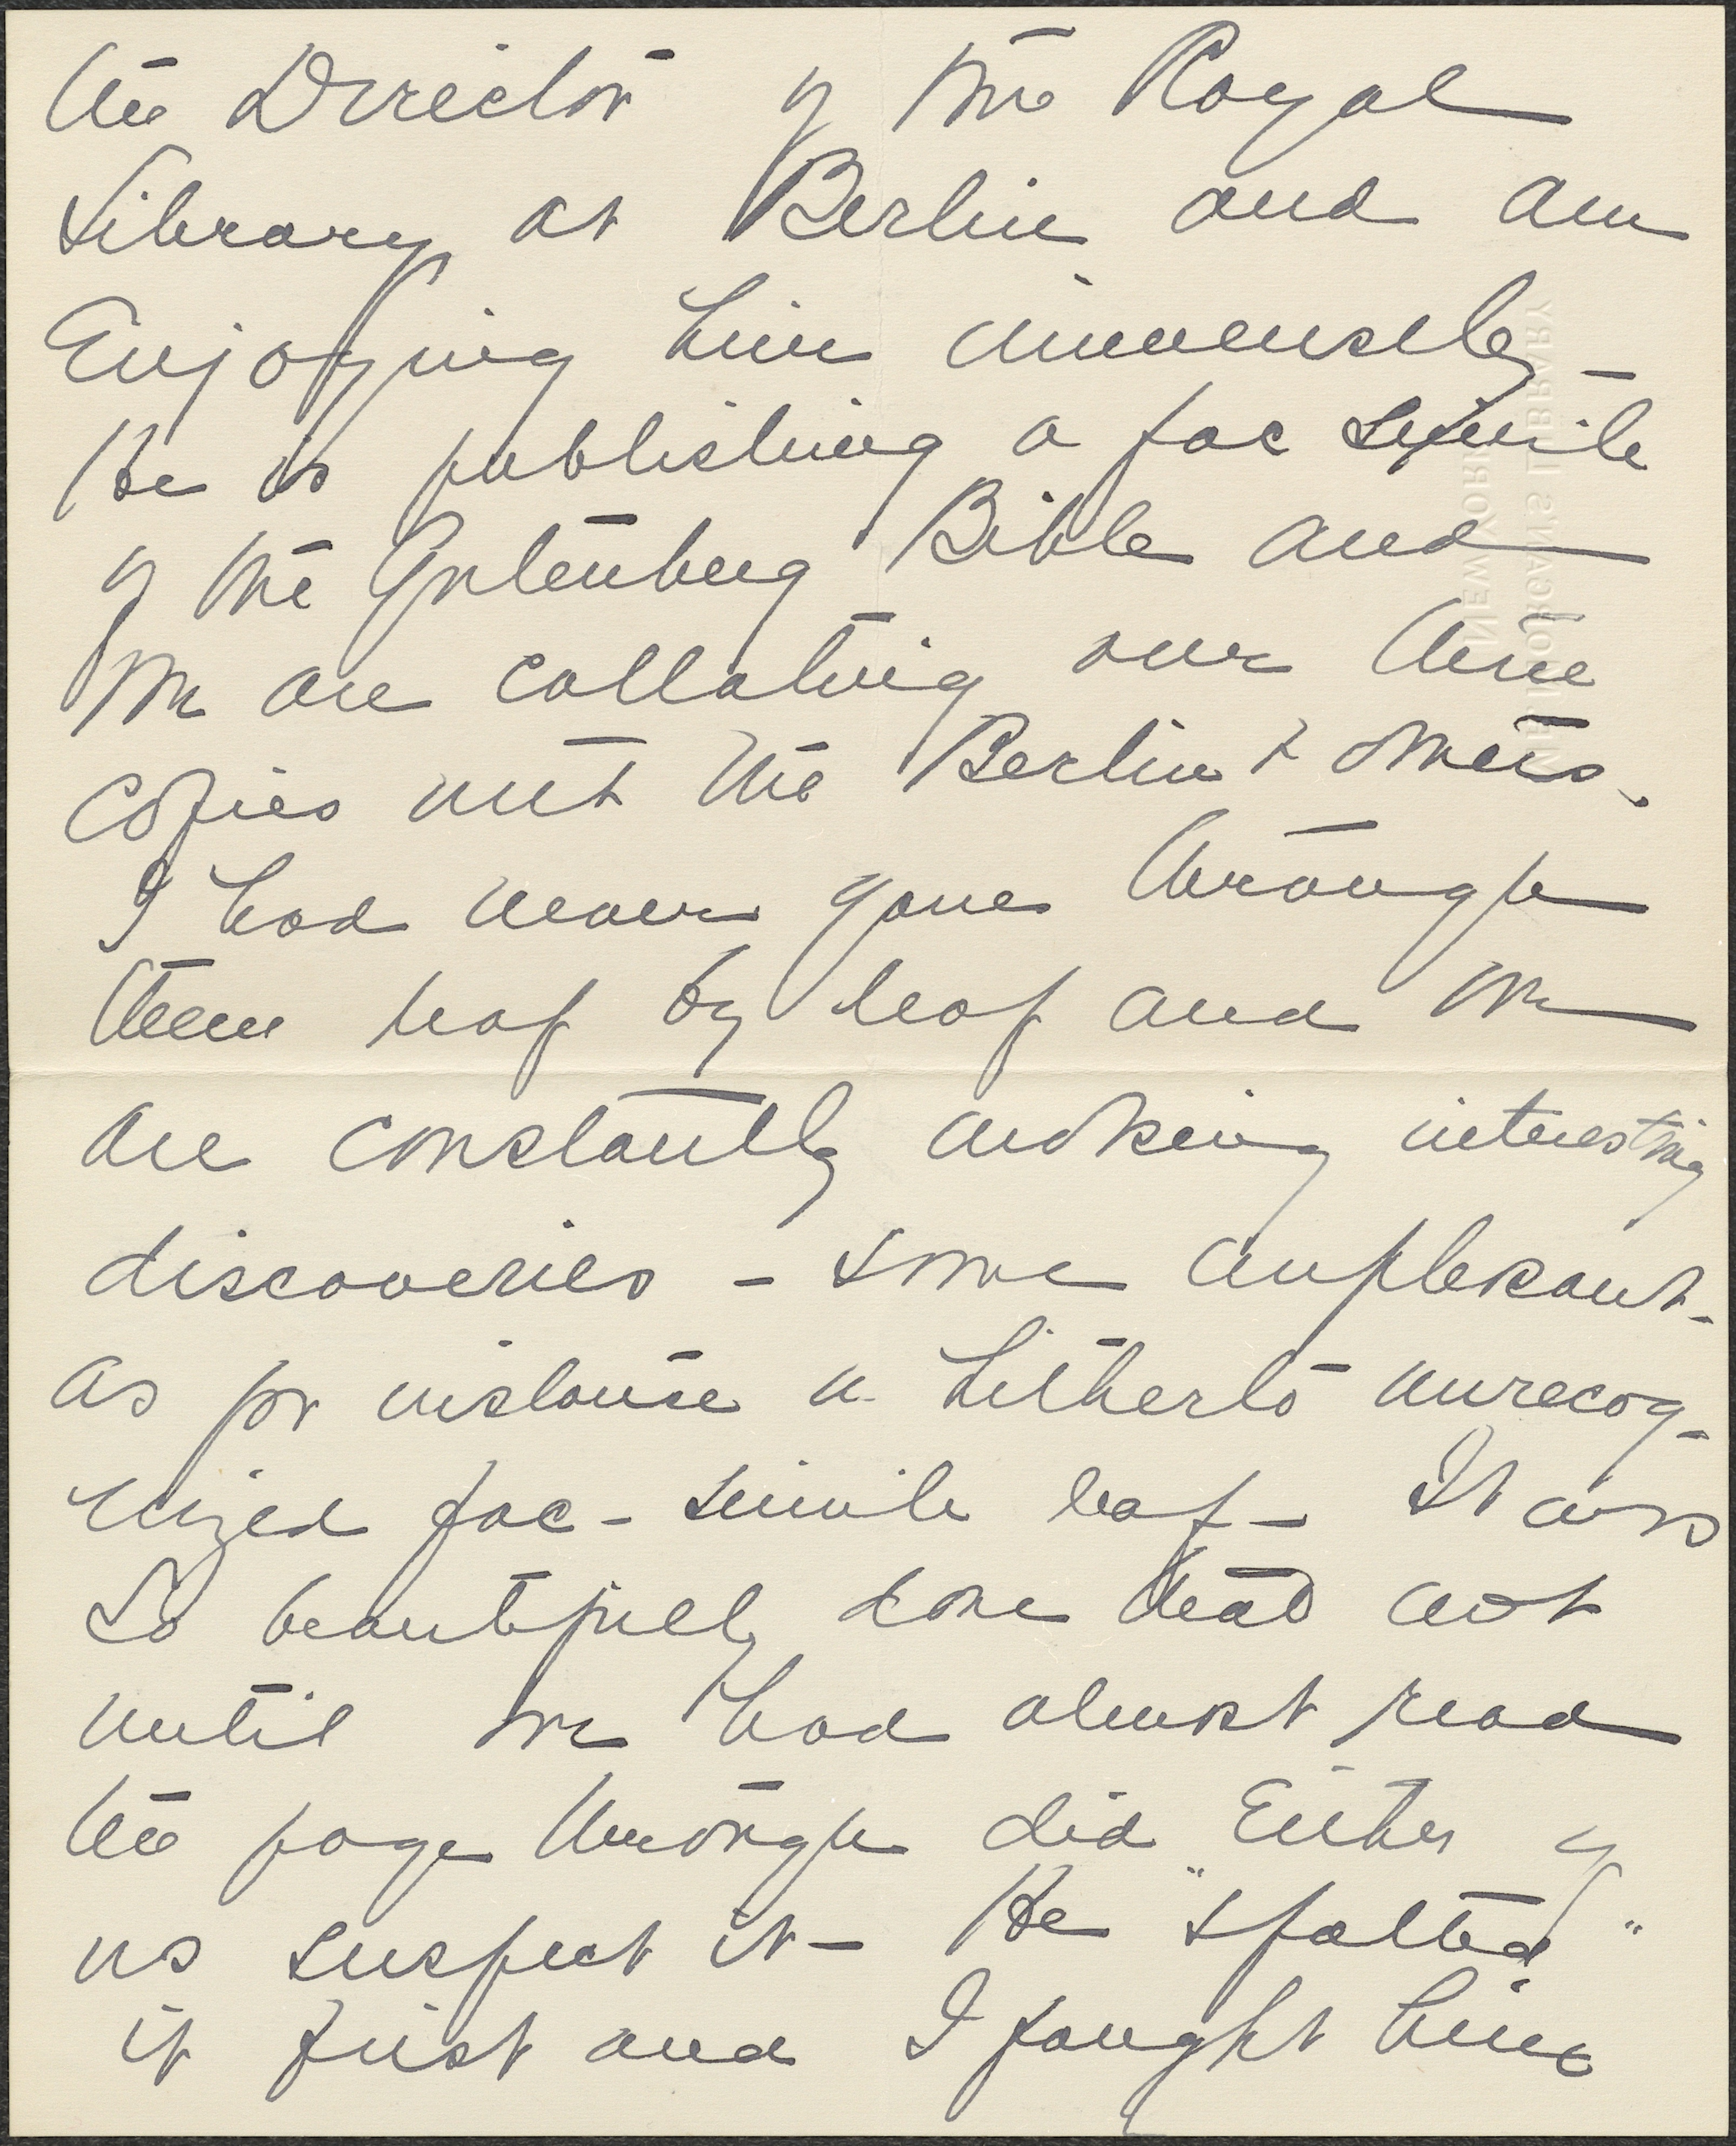the Director of the Royal Library at Berlin and am enjoying him immensely – He is publishing a fac simile of the Gutenberg Bible and we are collating our three copies with the Berlin & others. I had never gone through them leaf by leaf and we are constantly making interesting discoveries – some unpleasant – as for instance a hitherto unrecognized fac-simile leaf – It was so beautifully done that not until we had almost read the page through did either of us suspect it – He “spotted” it first and I fought him